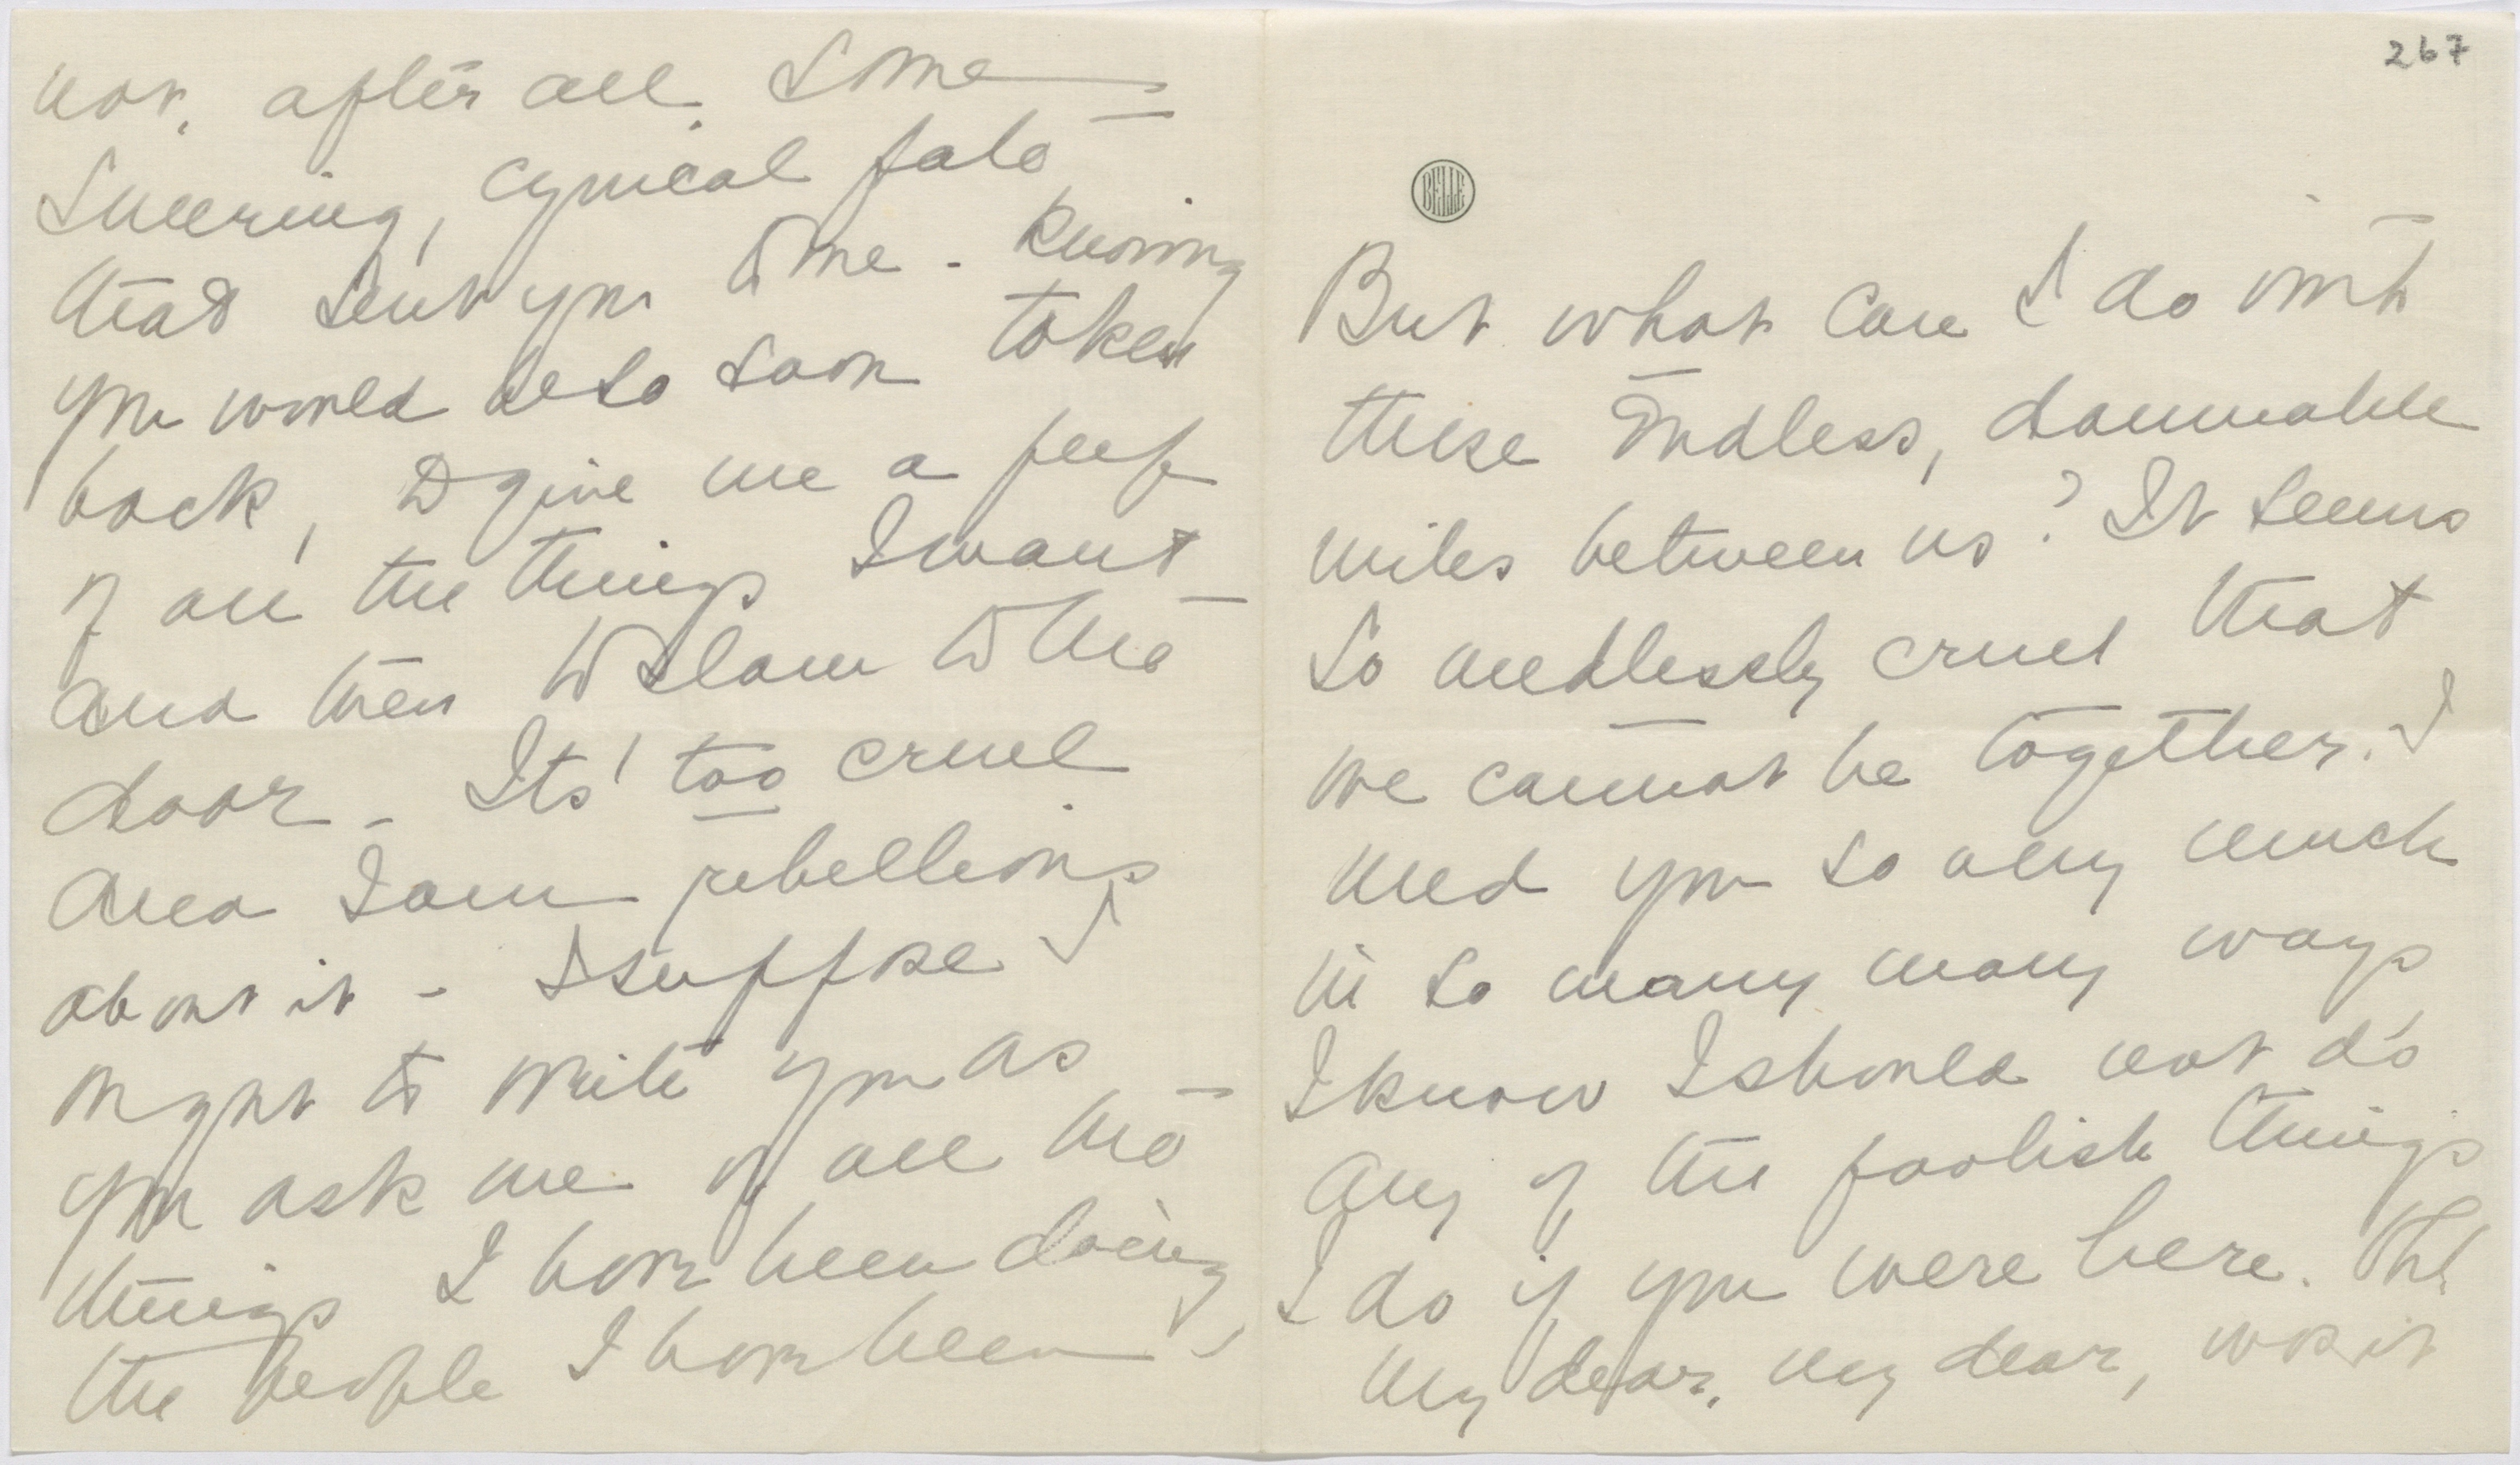But what can I do with these endless, damnable miles between us? It seems so needlessly cruel that we cannot be together. I need you so very much in so many many [sic] ways
I know I should not do any of the foolish things I do if you were here. Oh! My dear, my dear, was it
not, after all, some sneering, cynical fate that sent you to me – knowing you would be so soon taken back, to give me a peep of all the things I want and then to slam to the door – It’s too cruel and I am rebellious about it – I suppose I ought to write you as you ask me of all the things I have been doing, the people I have been